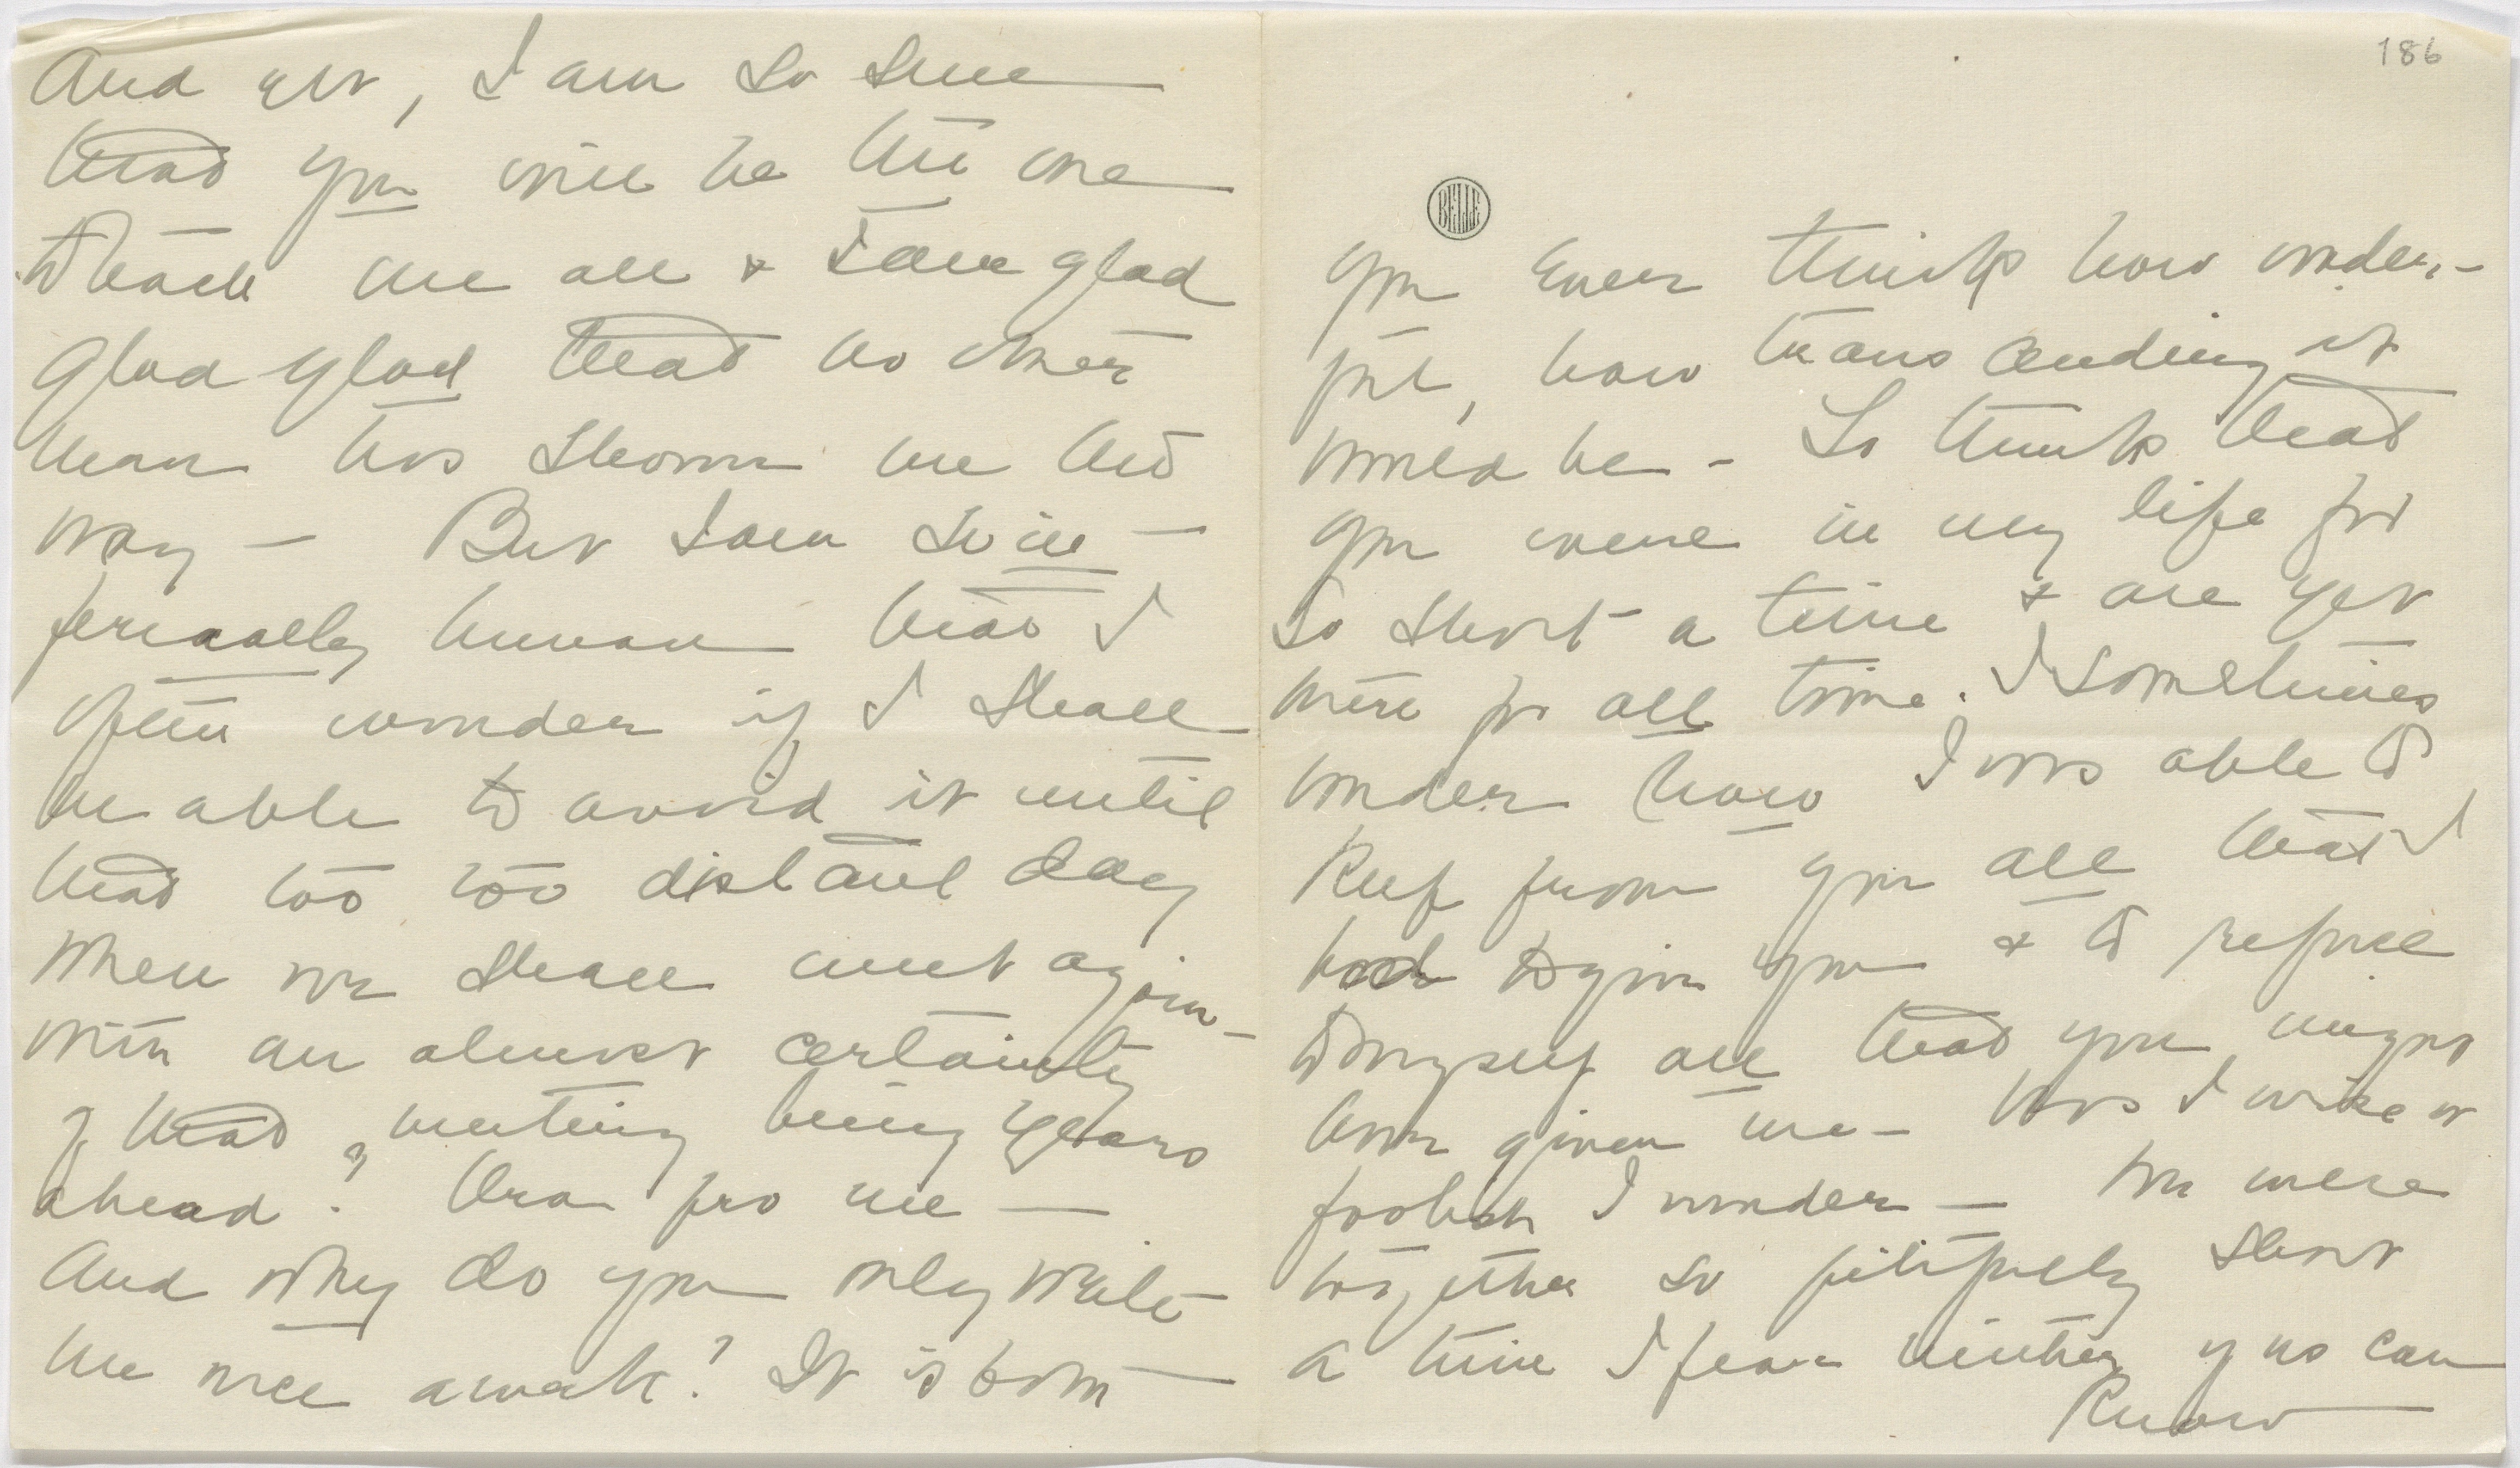you ever think how wonderful, how transcending it would be – To think that you were in my life for so short a time & are yet there for all time. I sometimes wonder how I was able to keep from you all that I had to give you & to refuse to myself all that you might have given me – was I wise or foolish I wonder – we were together so pitifully short a time I fear neither of us can know
and yet, I am so sure that you will be the one to teach me all & I am glad glad glad that no other man has shown me the way – But I am so infernally human that I often wonder if I shall be able to avoid it until that too too distant day when we shall meet again – with an almost certainty of that meeting being years ahead? Ora pro me – And why do you only write me once a week? It is both